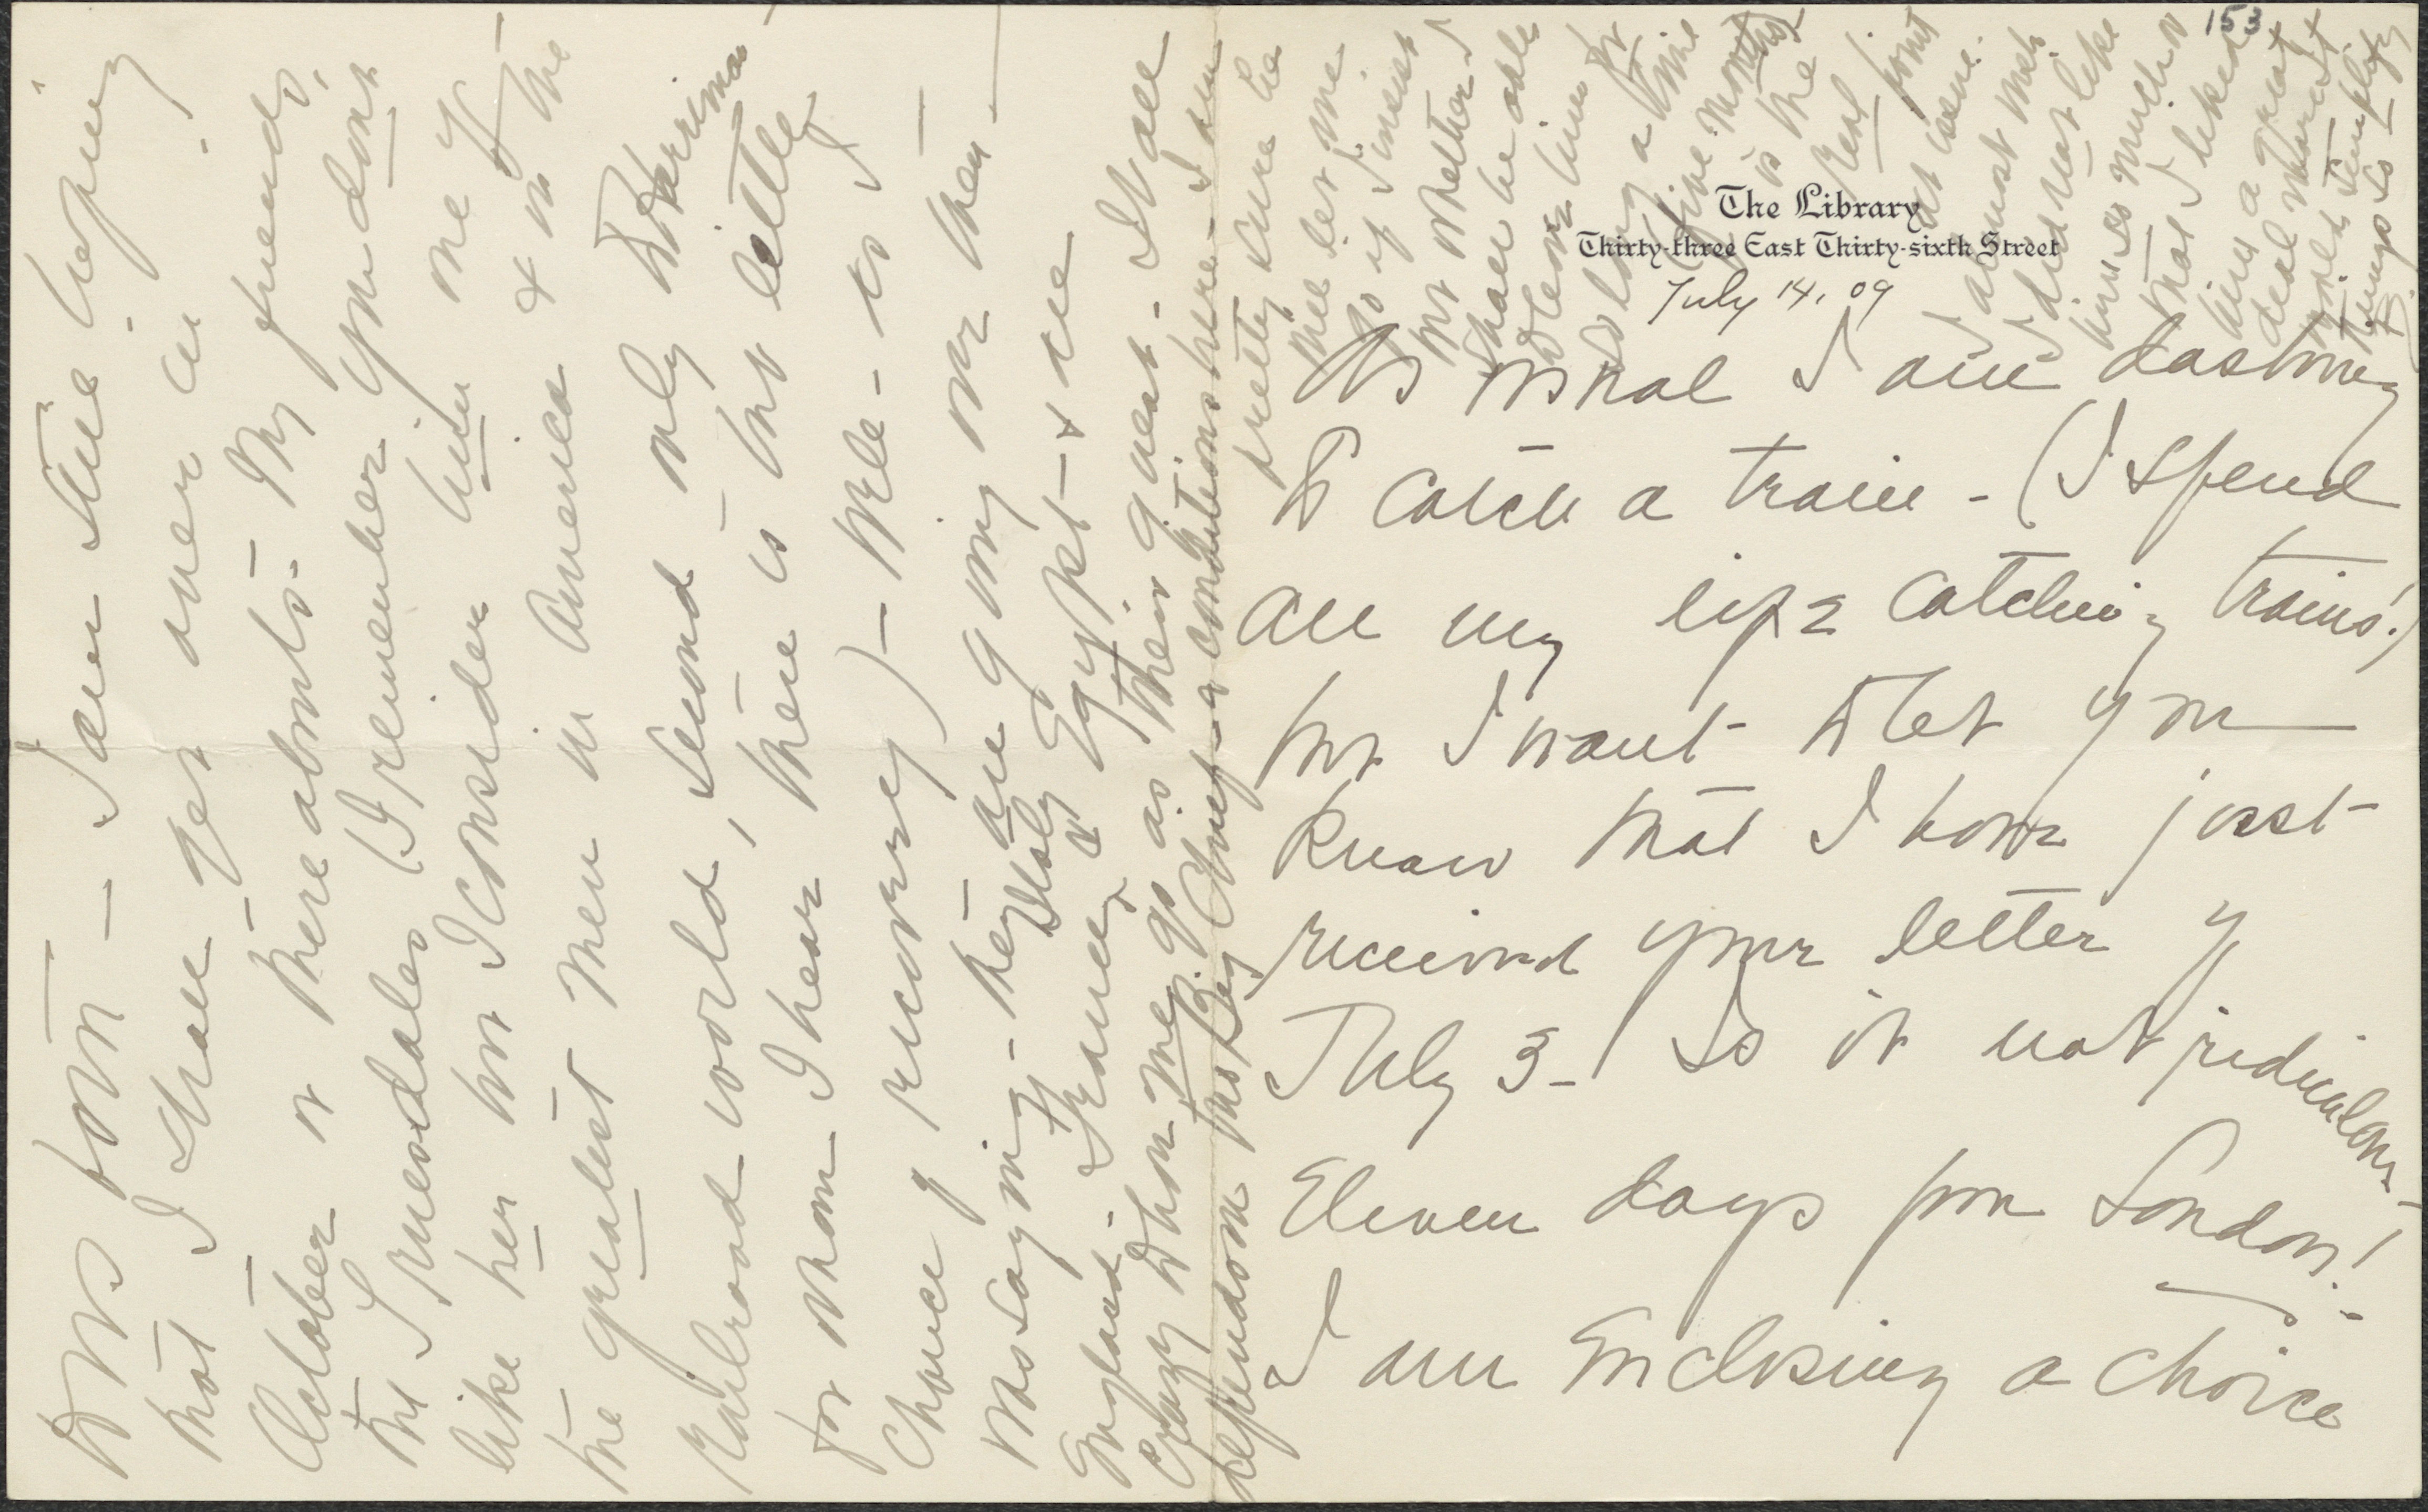As usual I am dashing to catch a train – (I spend all my life catching trains!) but I want to let you know that I have just received your letter of July 3 – Is it not ridiculous – eleven days from London! I am enclosing a choice
[Text written after sheet rotated ninety degrees to right:
to us both – I am still hoping that I shall get over in October or thereabouts – My friends, the Truesdales (I remember you don’t like her but I consider him one of the greatest men in America & in the railroad world, second only to Harriman – for whom I hear there is but little chance of recovery) – Well – as I was saying – they are going over then – England – France ˆItalyˆ & Egypt & are crazy to have me go as their guest – It all depends on the Big Chief – & conditions here – I am]
[Sheet rotated ninety degrees to right for this page]
pretty sure he will let me go if I insist but whether I shall be able to leave him for so long a time (five months) – is the real point at issue. I almost wish I did not like him so much or that I liked him a great deal more It would simplify things so –
B.